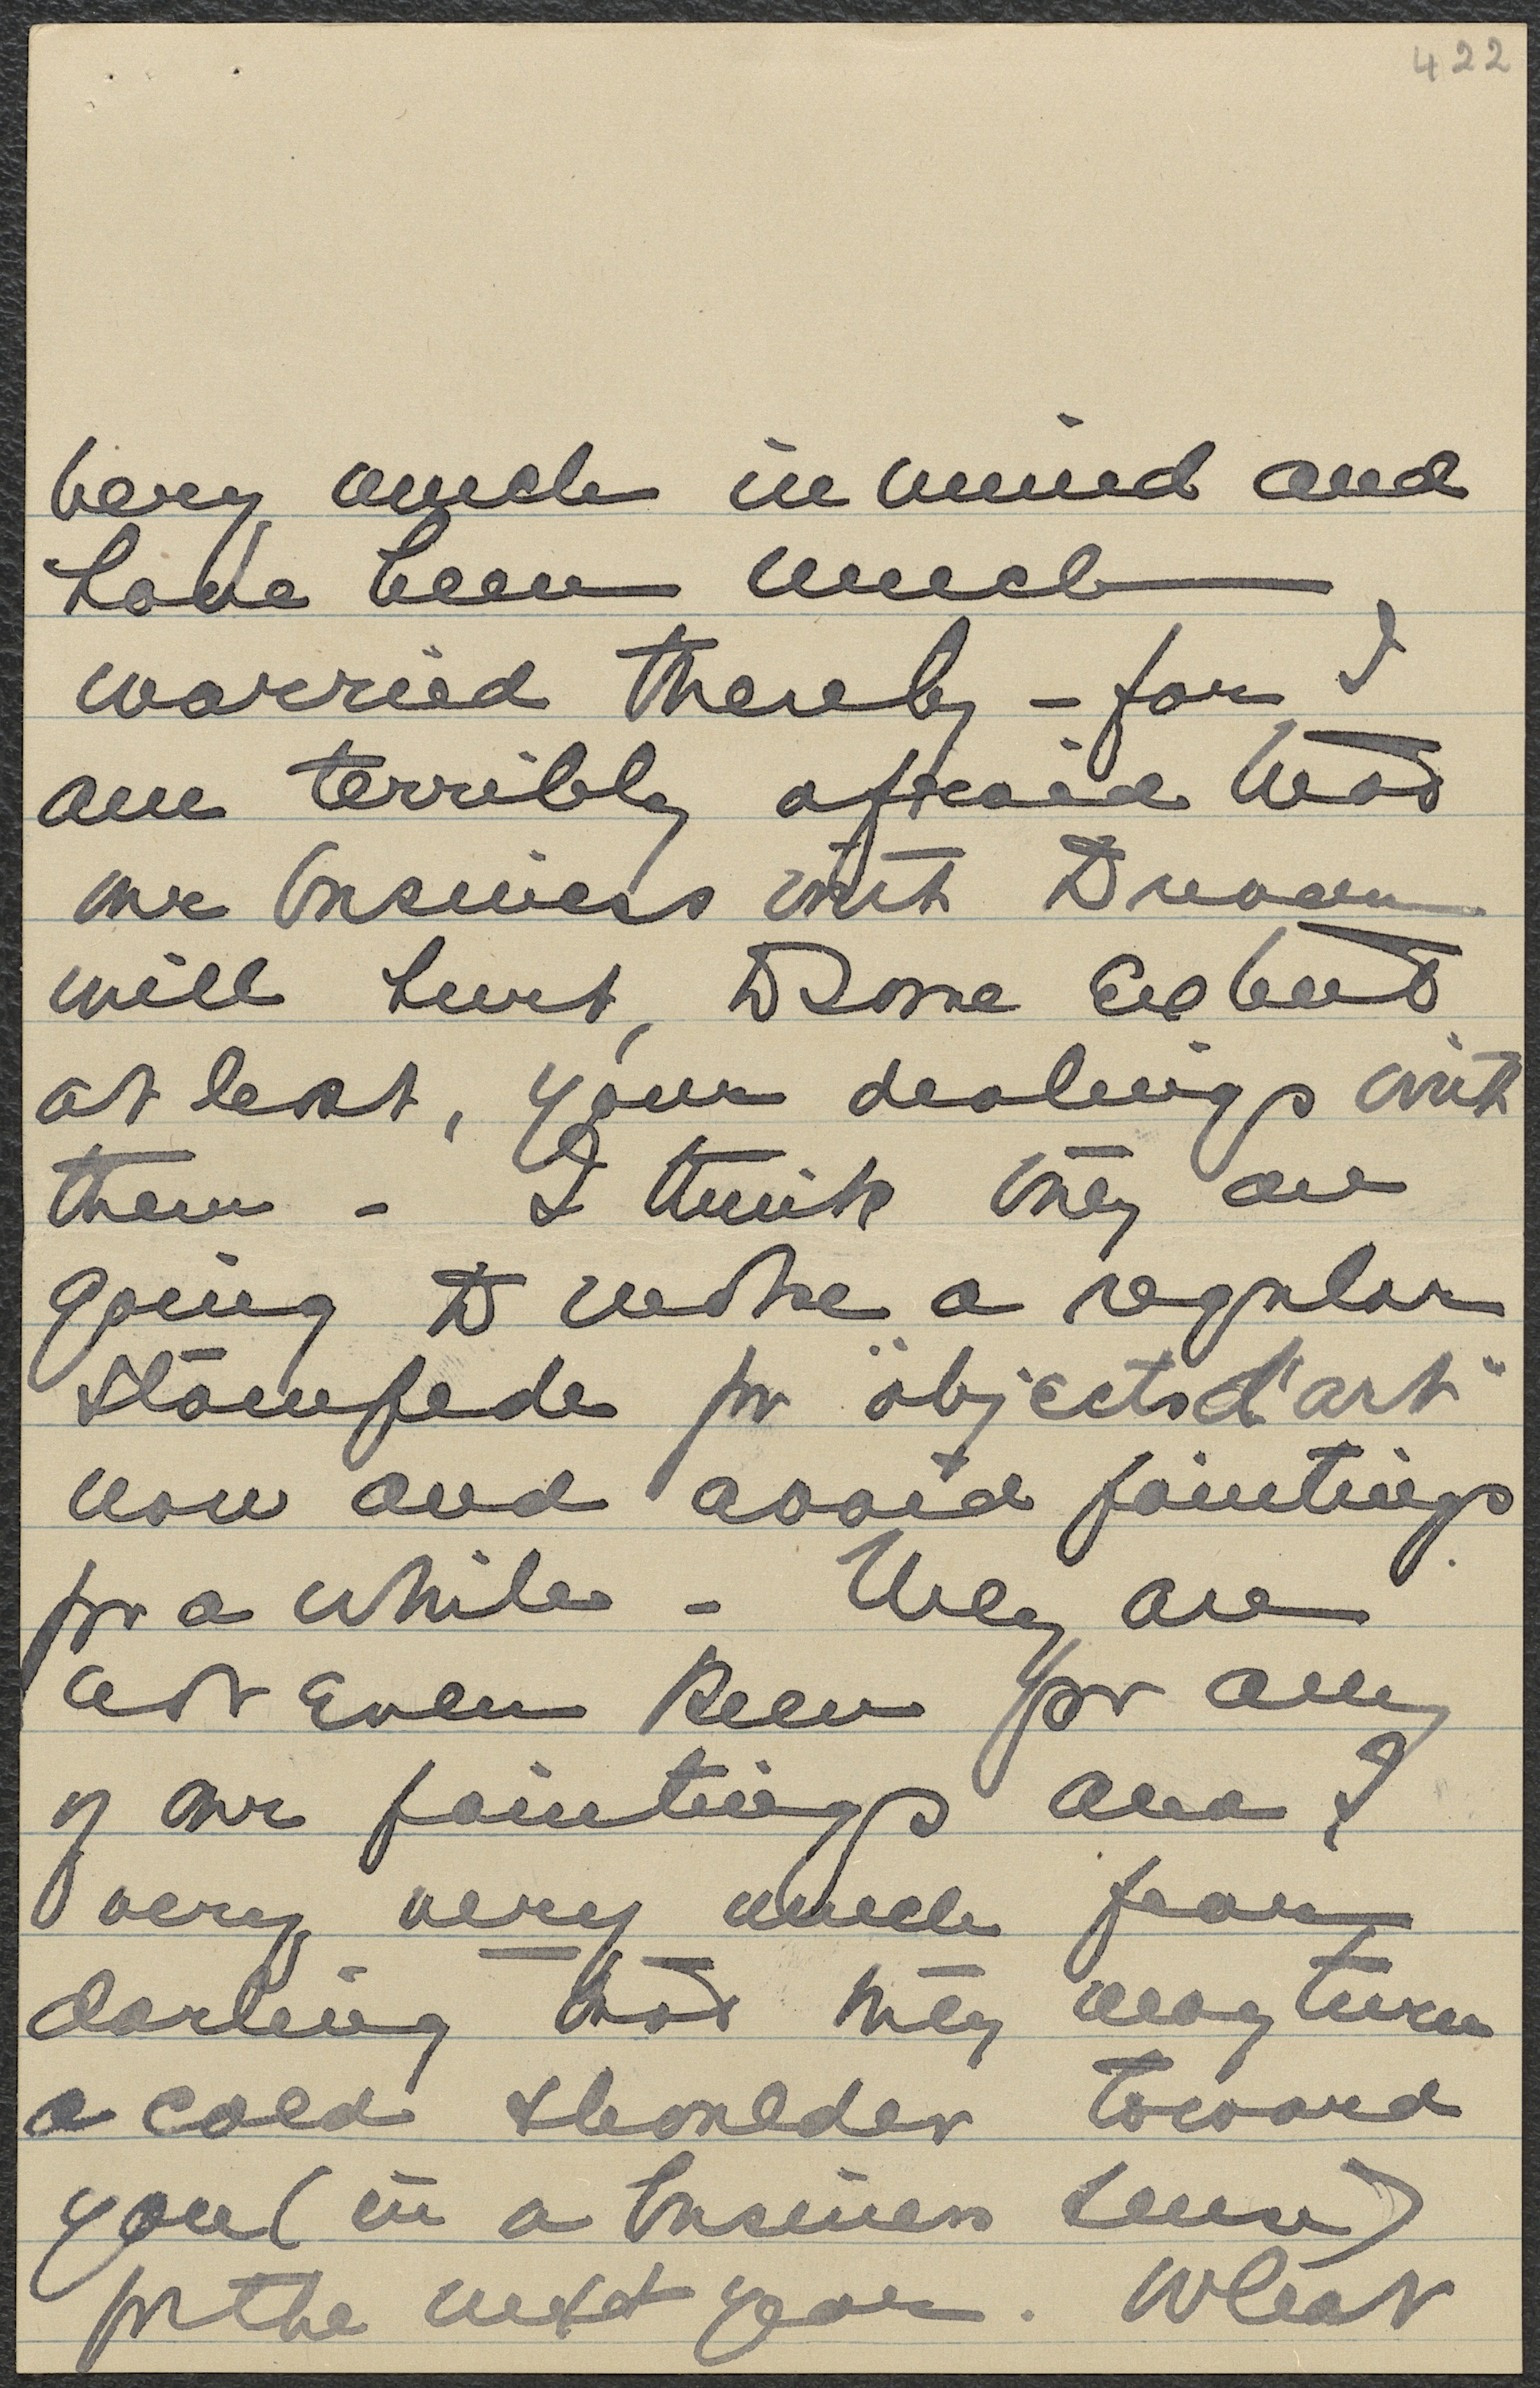very much in mind and have been much worried thereby – for I am terribly afraid that our business with Duveen will hurt, to some extent at least, your dealings with them – I think they are going to make a regular stampede for “objects d’art” now and avoid paintings for a while – They are not even keen for any of our paintings and I very very much fear darling that they may turn a cold shoulder toward you (in a business sense) for the next year. What